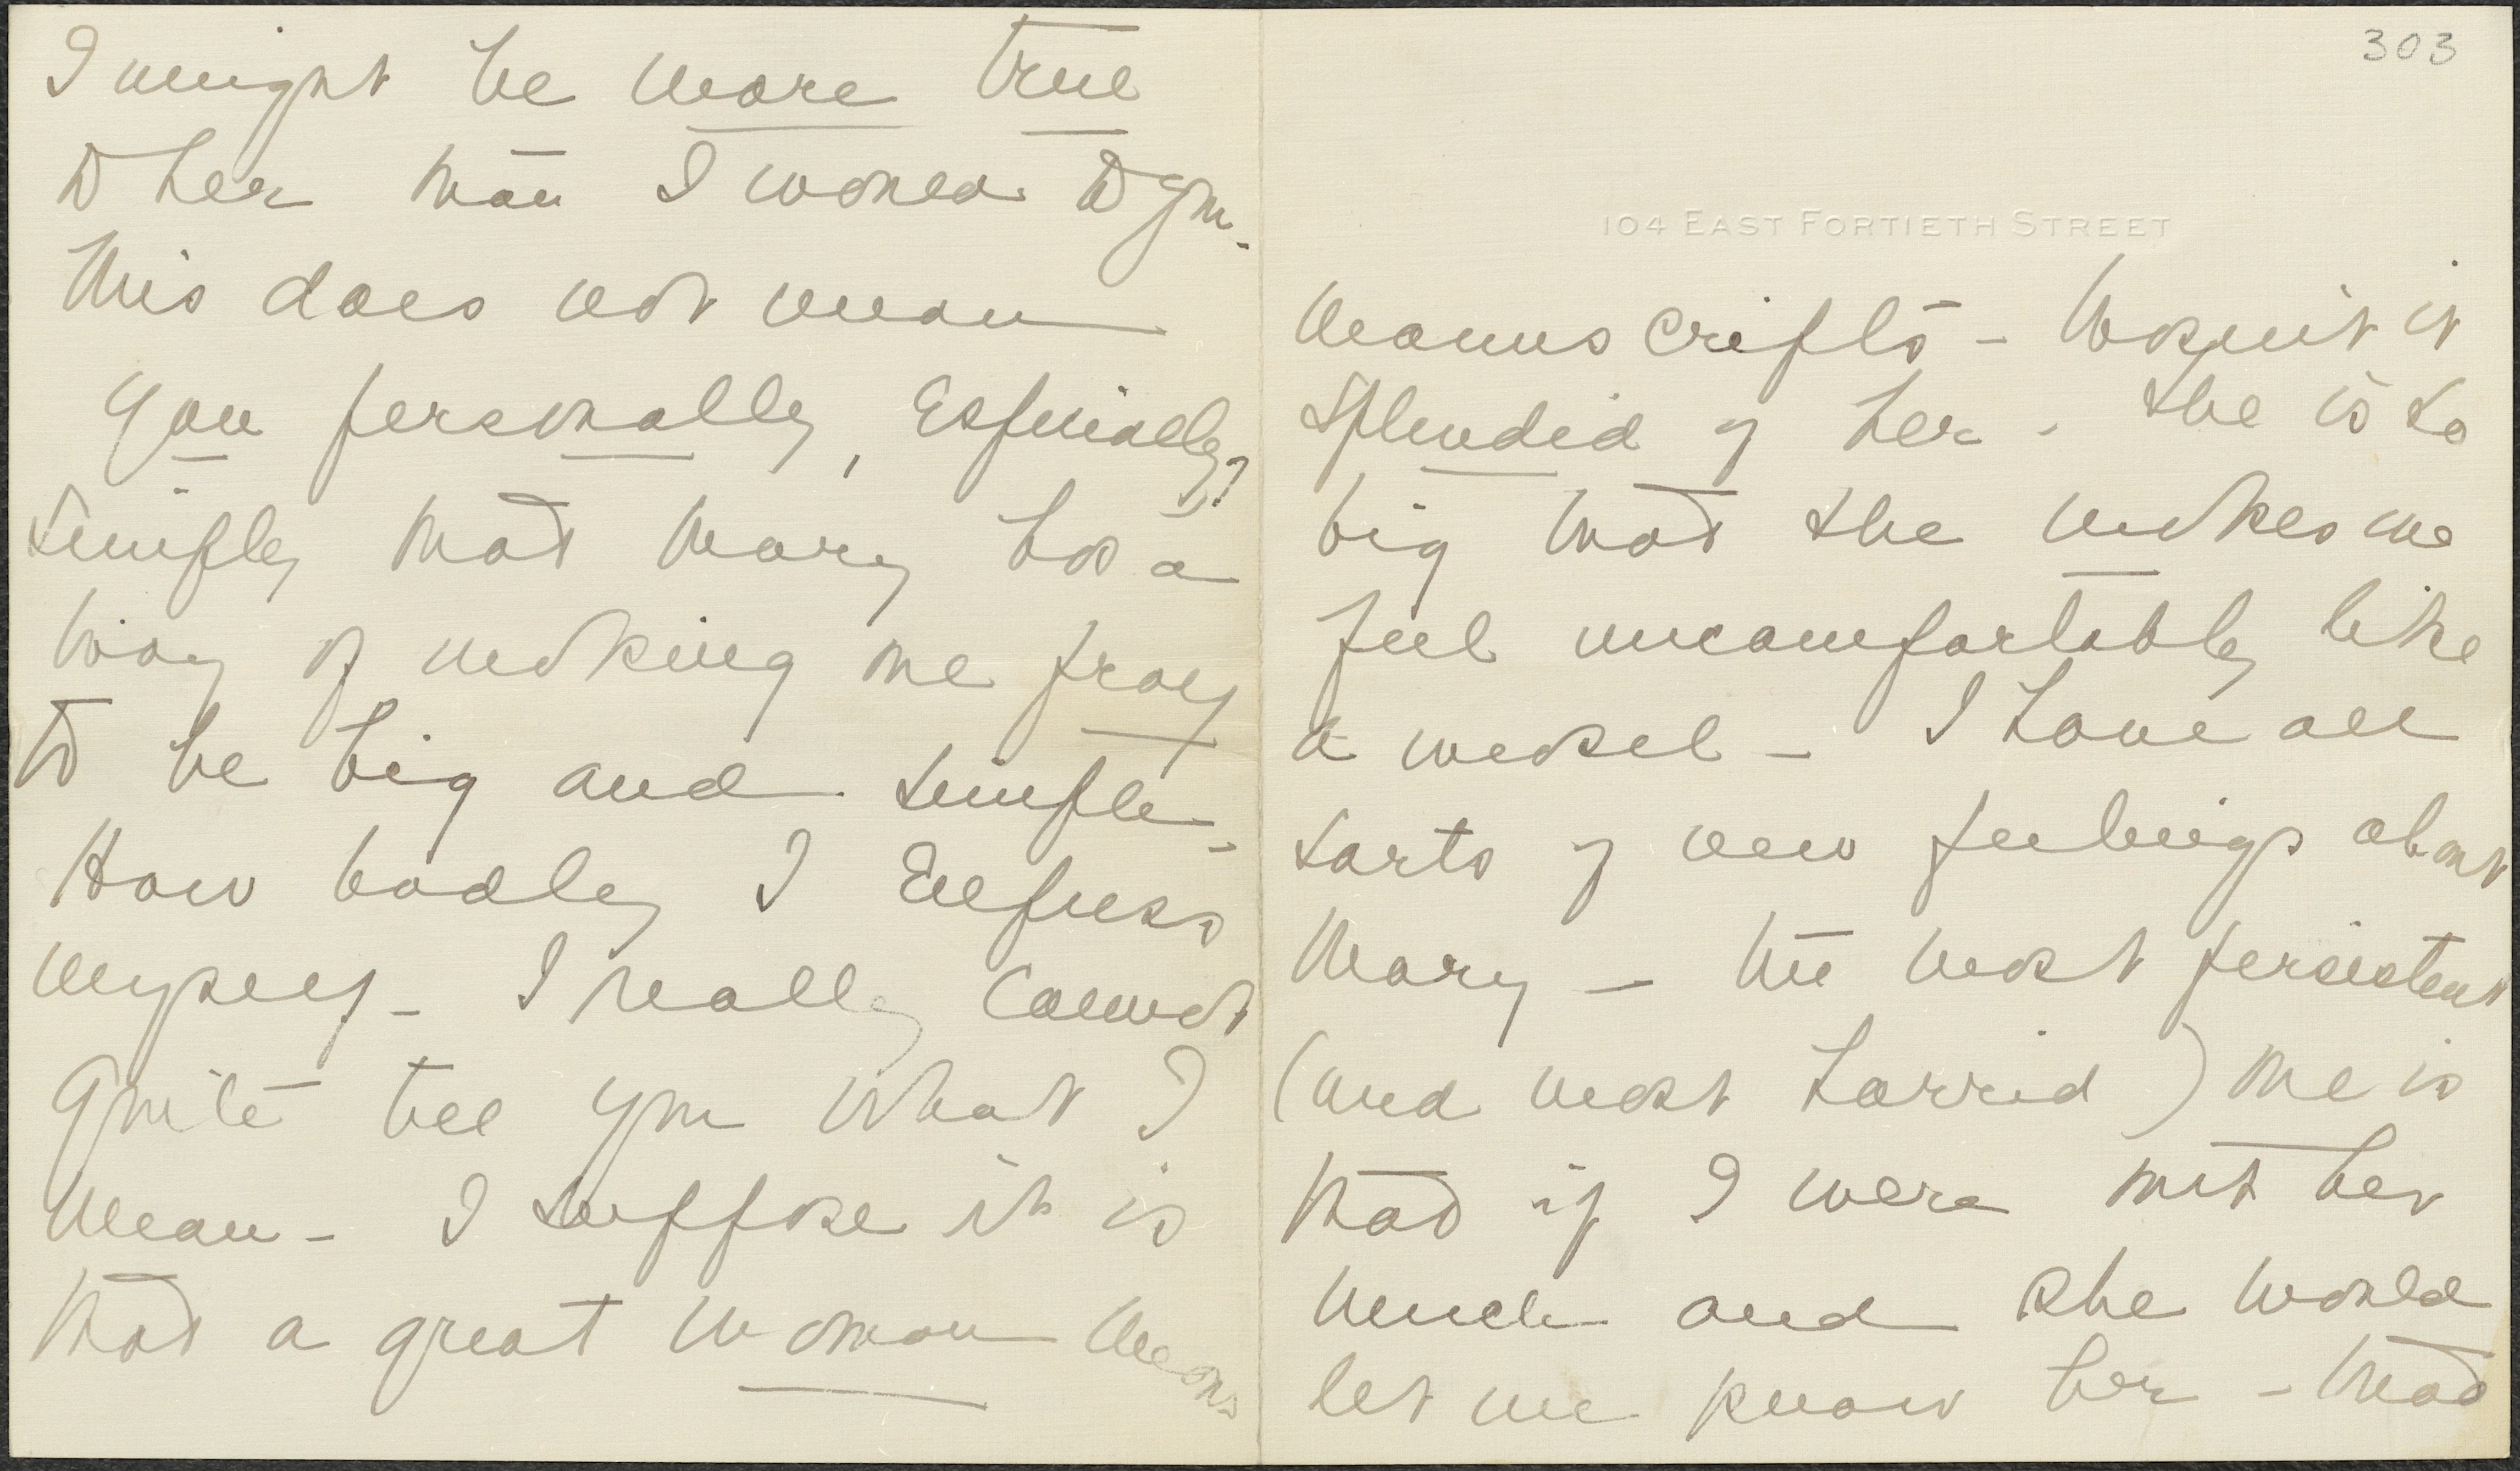manuscripts – Wasn’t it splendid of her – She is so big that she makes me feel uncomfortably like a weasel – I have all sorts of new feelings about Mary – the most persistent (and most horrid) one is that if I were with her much and she would let me know her – that
I might be more true to her than I would to you. This does not mean you personally, especially, simply that Mary has a way of making me pray to be big and simple –
How badly I express myself – I really cannot quite tell you what I mean – I suppose it is that a great woman means